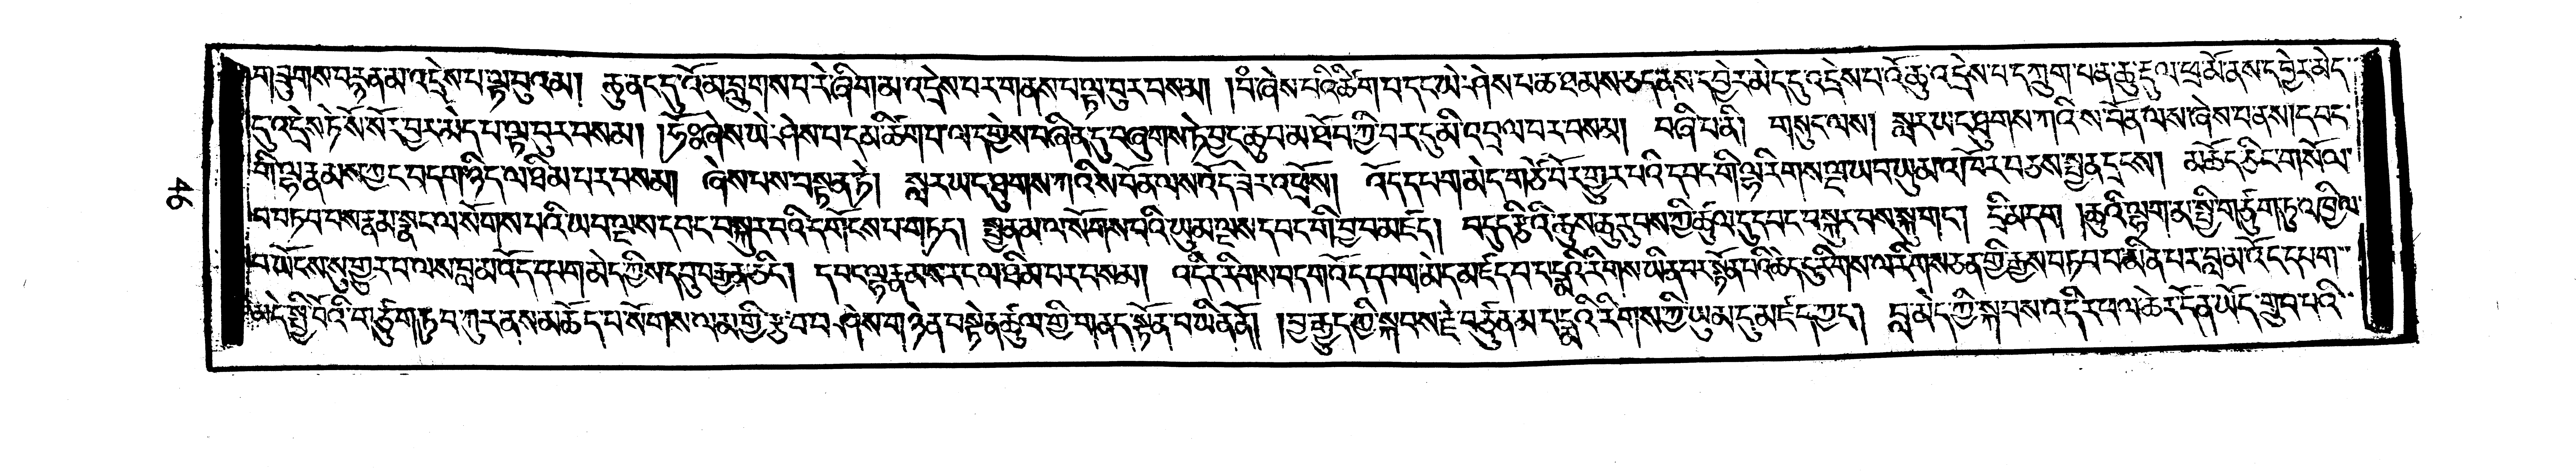གཟུགས་བརྙན་མ་འདྲེས་པ་ལྟ་བུའམ། ཆུ་ནང་དུ་འོ་མ་བླུགས་པ་རེ་ཞིག་མ་འདྲེས་པར་གནས་པ་ལྟ་བུར་བསམ། བཾ་ཞེས་དམ་ཚིག་པ་དང་ཡེ་ཤེས་པ་ཆ་ཐམས་ཅད་ནས་དབྱེར་མེད་དུ་འདྲེས་པ་འོ་ཆུ་འདྲེས་པ་དཀྲུག་པན་ཆུ་རྡུལ་ཕྲ་མོ་ནས་དབྱེར་མེད་
དུ་འདྲེས་ཏེ་སོ་སོར་བྱར་མེད་པ་ལྟ་བུར་བསམ། ཧོཿཞེས་ཡེ་ཤེས་པ་དམ་ཚིག་པ་ལ་དགྱེས་བཞིན་དུ་བཞུགས་ཏེ་བྱང་ཆུབ་མ་ཐོབ་ཀྱི་བར་དུ་མི་འབྲལ་བར་བསམ། བཞི་པ་ནི། གསུང་ལས། སླར་ཡང་ཐུགས་ཀའི་ས་བོན་ལས་ཞེས་པ་ནས། དབང་
གི་ལྷ་རྣམས་ཀྱང་བདག་ཉིད་ལ་ཐིམ་པར་བསམ། ཞེས་པས་བསྟན་ཏེ། སླར་ཡང་ཐུགས་ཀའི་ས་བོན་ལས་འོད་ཟེར་འཕྲོས། འོད་དཔག་མེད་གཙོ་བོར་གྱུར་པའི་དབང་གི་ལྷ་རིགས་ལྔ་ཡང་ཡུམ་འཁོར་བཅས་སྤྱན་དྲངས། མཆོད་ཅིང་གསོལ་
བ་བཏབ་པས་རྣམ་སྣང་ལ་སོགས་པའི་ཡབ་ལྔས་དབང་བསྐུར་བའི་དགོངས་པ་གཏད། སྤྱན་མ་ལ་སོགས་པའི་ཡུམ་ལྔས་དབང་གི་བྱ་བ་མཛད། བདུད་རྩིའི་ཆུས་ཆུ་རུ་བས་ཀྱི་ཚུལ་དུ་དབང་བསྐུར་བས་སྐུ་གང་། དྲི་མ་དག །ཆུའི་ལྷག་མ་སྤྱི་གཙུག་ཏུ་འཁྱིལ་
བ་ཡོངས་སུ་གྱུར་པ་ལས་བླ་མ་འོད་དཔག་མེད་ཀྱིས་དབུ་བརྒྱན་ཅིང་། དབང་ལྷ་རྣམས་རང་ལ་ཐིམ་པར་བསམ། འདིར་རིགས་བདག་འོད་དཔག་མེད་མཛད་པ་པདམའི་རིགས་ཡིན་པར་སྟོན་པའི་ཆེད་དུ་རིགས་ལ་རིགས་ཅན་གྱི་རྒྱས་བཏབ་པ་མིན་པར་བླ་མ་འོད་དཔག་
མེད་སྤྱི་བོའི་གཙུག་ཏུ་བཀུར་ནས་མཆོད་པ་སོགས་ལམ་གྱི་རྩ་བ་ཤེས་གཉེན་བསྟེན་ཚུལ་གྱི་གནད་སྟོན་པ་ཡིན་ནོ། །བྱ་རྒྱུད་ཀྱི་སྐབས་རྗེ་བཙུན་མ་པདམའི་རིགས་ཀྱི་ཡུམ་དུ་མཛད་ཀྱང་། བླ་མེད་ཀྱི་སྐབས་འདིར་ཕལ་ཆེར་དོན་ཡོད་གྲུབ་པའི་